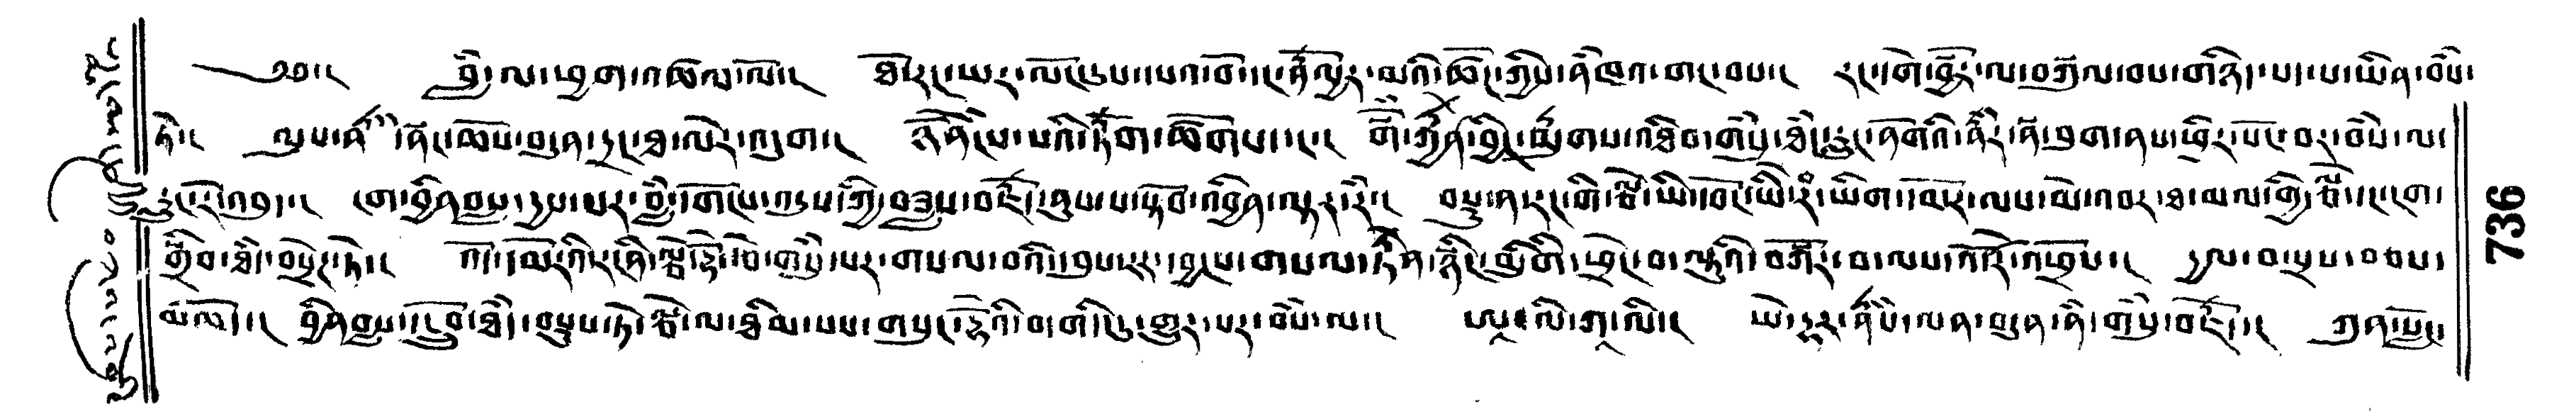༄༅། བླ་མ་ལ་ཕྱག་འཚལ་ལོ། ཐོ་རངས་ཡར་ལངས་དུས་དཔའ་བོ་རྣལ་འབྱོར་མའི་ཚོགས་ཀྱིས་ནམ་མཁའ་གང་བས། རང་དགེ་སྦྱོར་ལ་བསྐུལ་བས་གཉིད་སད་པ་ཡིན་བསམ་
ཏེ། ལུས་རྣམ་སྣང་ཆོས་བདུན་དྲང་ཐ་ལེར་འདུག ཉོན་མོངས་པའི་རྟོག་ཚོགས་དང་། སྒོམ་རྐྱོན་བྱིང་རྨུགས་འཐིབ་གསུམ་ཐམས་ཅད་རླུང་ནག་པོའི་རྣམ་པར་སྣ་བུག་ནས་ཕྱིར་སོང་བར་བསམ་ལ་
རླུང་རོ་འབུད། ངག་བྱིན་རླབས་རྒྱས་པར་བླ་མ་དགོངས་འདུས་ཀྱི་བཟླས་བརྗོད་ནུས་པ་སྟོབས་འབྱིན་ལྟར་རམ། བསྡུ་ན་རང་གི་ལྕེ་ཡི་དབང་པོ་ཡི་རཾ་ཡིག་དམར་པོ་ལས་མེ་འབར། ཐ་མལ་གྱི་ལྕེ་དང་ངག་
སྒྲིབ་ཐམས་ཅད་བསྲེགས་ཏེ། འོད་དམར་པོའི་རང་བཞིན་ལྕེ་རྡོ་རྗེ་རྩེ་གསུམ་པར་གསལ་བའི་དབུས་རར་དབྱངས་གསལ་རྟེན་སྙིང་མུ་ཏིག་གི་ཕྲེང་བ་ལྟ་བུས་བསྐོར་བ་ལས་འོད་ཟེར་འཕྲོས། རྒྱལ་བ་སྲས་བཅས་
མཆོད། བྱིན་རླབས་དངོས་གྲུབ་ཐམས་ཅད་བསྡུས་ཏེ་ལྕེ་ལ་ཐིམ་པས་གསུང་རྡོ་རྗེའི་བདག་ཉིད་དུ་གྱུར་པར་བསམ་ལ། ཨཱ་ལི་ཀཱ་ལི། ཡེ་དྷར་རྣམས་ལན་བདུན་ནམ་གསུམ་བརྗོད། ཀུན་སློང་